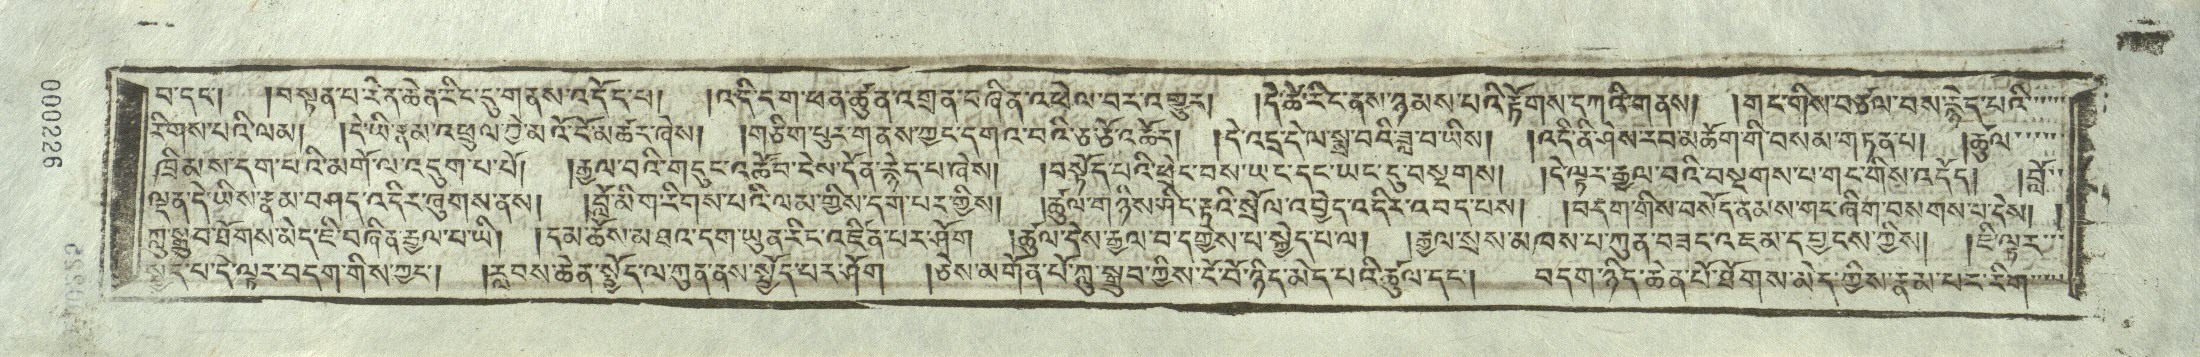དེ་ཡི་རྣམ་འཕྲུལ་ཀྱེ་མའོ་ངོ་མཚར་ཞེས། །གཅིག་པུར་གནས་ཀྱང་དགའ་བའི་ཅ་ཅོ་འཚོར། །དེ་འདྲ་དེ་ལ་སྨྲ་བའི་ཟླ་བ་ཡིས། །འདི་ནི་ཤེས་རབ་མཆོག་གི་བསམ་གཏན་པ། །ཚུལ་ཁྲིམས་དག་པའི་མགོ་ལ་འདུག་པ་བོ། །རྒྱལ་བའི་གདུང་
འཆོབ་ངེས་དོན་རྙོད་པ་ཞེས། །བསྟོད་བའི་ཕྲེང་བས་ཡང་དང་ཡང་དུ་བསྔགས། །དེ་ལྟར་རྒྱལ་བའི་བསྔགས་པ་གང་གིས་འདོད། །བློ་ལྡན་དེ་ཡིས་རྣམ་བཤད་འདིར་ཞུགས་ནས། །བློ་མིག་རིགས་པའི་ལམ་གྱིས་དག་པར་གྱིས། །ཚུལ་
གཉིས་ཤིང་རྟའི་སྲོལ་འབྱེད་འདིར་འབད་པས། །བདག་གིས་བསོད་ནམས་གང་ཞིག་བསགས་པ་དེས། །ཀླུ་སྒྲུབ་ཐོགས་མེད་ཇི་བཞིན་རྒྱལ་བ་ཡི། །དམ་ཆོས་མཐའ་དག་ཡུན་རིང་འཛིན་པར་ཤོག །ཚུལ་དེས་རྒྱལ་བ་དགྱེས་བ་སྐྱེད་
པ་ལ། །རྒྱལ་སྲས་མཁས་པ་ཀུན་བཟང་འཇམ་དབྱངས་ཀྱིས། །ཇི་ལྟར་སྤྱད་པ་དེ་ལྟར་བདག་གིས་ཀྱང་། །རླབས་ཆེན་སྤྱོད་ལ་ཀུན་ནས་སྤྱོད་པར་ཤོག་ཅེས་མགོན་པོ་ཀླུ་སྒྲུབ་ཀྱིས་ངོ་བོ་ཉིད་མེད་པའི་ཚུལ་དང་། བདག་ཉིད་ཆེན་པོ་
ཐོགས་མེད་ཀྱིས་རྣམ་པར་རིག་པ་ཙམ་གྱི་ཚུལ་གྱི་ཤིང་རྟ་ཆེན་པོའི་སྲོལ་གཉིས་ཕྱེ་ནས། གསུང་རབ་ཀྱི་དྲང་བ་དང་ངེས་པའི་དོན་རྣམ་པར་ཕྱེ་བ་གསལ་བར་བྱེད་པ་ལེགས་པར་བཤད་པའི་སྙིང་པོ་ཞེས་བྱ་བ་འདི་ནི། ཤཱཀྱའི་དགེ་
སློང་མང་དུ་ཐོས་པ་རིགས་པ་སྨྲ་བ་ཤར་ཙོང་ཁ་པ་བློ་བཟང་གྲགས་པའི་དཔལ་གྱིས་སྦྱར་བའི་ཡི་གེ་པ་ནི་དགེ་སྦྱོང་སྡོམ་བརྩོན་བསོད་ནམས་བློ་གྲོས་སོ། སྭ་སྟི། །བདེ་བར་གཤེགས་གསུང་ཟབ་བརླིང་ཟླ་བས་འཕེལ།།